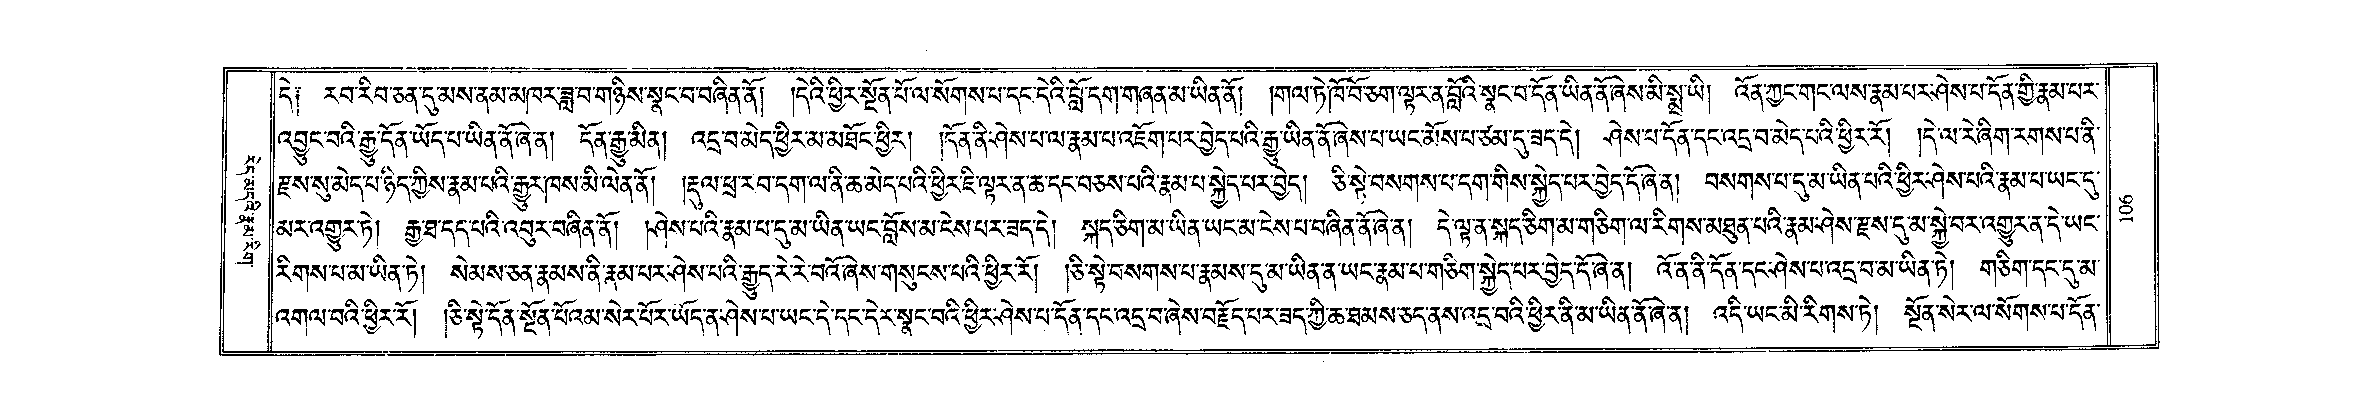དེ༑ རབ་རིབ་ཅན་དུ་མས་ནམ་མཁར་ཟླ་བ་གཉིས་སྣང་བ་བཞིན་ནོ། །དེའི་ཕྱིར་སྔོན་པོ་ལ་སོགས་པ་དང་དེའི་བློ་དག་གཞན་མ་ཡིན་ནོ། །གལ་ཏེ་ཁོ་བོ་ཅག་ལྟར་ན་བློའི་སྣང་བ་དོན་ཡིན་ནོ་ཞེས་མི་སྨྲ་ཡི། འོན་ཀྱང་གང་ལས་རྣམ་པར་ཤེས་པ་དོན་གྱི་རྣམ་པར་
འབྱུང་བའི་རྒྱུ་དོན་ཡོད་པ་ཡིན་ནོ་ཞེ་ན། དོན་རྒྱུ་མིན། འདྲ་བ་མེད་ཕྱིར་མ་མཐོང་ཕྱིར། །དོན་ནི་ཤེས་པ་ལ་རྣམ་པ་འཇོག་པར་བྱེད་པའི་རྒྱུ་ཡིན་ནོ་ཞེས་པ་ཡང་མོས་པ་ཙམ་དུ་ཟད་དེ། ཤེས་པ་དོན་དང་འདྲ་བ་མེད་པའི་ཕྱིར་རོ། །དེ་ལ་རེ་ཞིག་རགས་པ་ནི་
རྫས་སུ་མེད་པ་ཉིད་ཀྱིས་རྣམ་པའི་རྒྱུར་ཁས་མི་ལེན་ནོ། །རྡུལ་ཕྲ་རབ་དག་ལ་ནི་ཆ་མེད་པའི་ཕྱིར་ཇི་ལྟར་ན་ཆ་དང་བཅས་པའི་རྣམ་པ་སྐྱེད་པར་བྱེད། ཅི་སྟེ་བསགས་པ་དག་གིས་སྐྱེད་པར་བྱེད་དོ་ཞེ་ན། བསགས་པ་དུ་མ་ཡིན་པའི་ཕྱིར་ཤེས་པའི་རྣམ་པ་ཡང་དུ་
མར་འགྱུར་ཏེ། རྒྱ་ཐ་དད་པའི་འབུར་བཞིན་ནོ། །ཤེས་པའི་རྣམ་པ་དུ་མ་ཡིན་ཡང་བློས་མ་ངེས་པར་ཟད་དེ། སྐད་ཅིག་མ་ཡིན་ཡང་མ་ངེས་པ་བཞིན་ནོ་ཞེ་ན། དེ་ལྟ་ན་སྐད་ཅིག་མ་གཅིག་ལ་རིགས་མཐུན་པའི་རྣམ་ཤེས་རྫས་དུ་མ་སྐྱེ་བར་འགྱུར་ན་དེ་ཡང་
རིགས་པ་མ་ཡིན་ཏེ། སེམས་ཅན་རྣམས་ནི་རྣམ་པར་ཤེས་པའི་རྒྱུད་རེ་རེ་བའོ་ཞེས་གསུངས་པའི་ཕྱིར་རོ། །ཅི་སྟེ་བསགས་པ་རྣམས་དུ་མ་ཡིན་ན་ཡང་རྣམ་པ་གཅིག་སྐྱེད་པར་བྱེད་དོ་ཞེ་ན། འོ་ན་ནི་དོན་དང་ཤེས་པ་འདྲ་བ་མ་ཡིན་ཏེ། གཅིག་དང་དུ་མ་
འགལ་བའི་ཕྱིར་རོ། །ཅི་སྟེ་དོན་སྔོན་པོའམ་སེར་པོར་ཡོད་ན་ཤེས་པ་ཡང་དེ་དང་དེར་སྣང་བའི་ཕྱིར་ཤེས་པ་དོན་དང་འདྲ་བ་ཞེས་བརྗོད་པར་ཟད་ཀྱི་ཆ་ཐམས་ཅད་ནས་འདྲ་བའི་ཕྱིར་ནི་མ་ཡིན་ནོ་ཞེ་ན། འདི་ཡང་མི་རིགས་ཏེ། སྔོན་སེར་ལ་སོགས་པ་དོན་